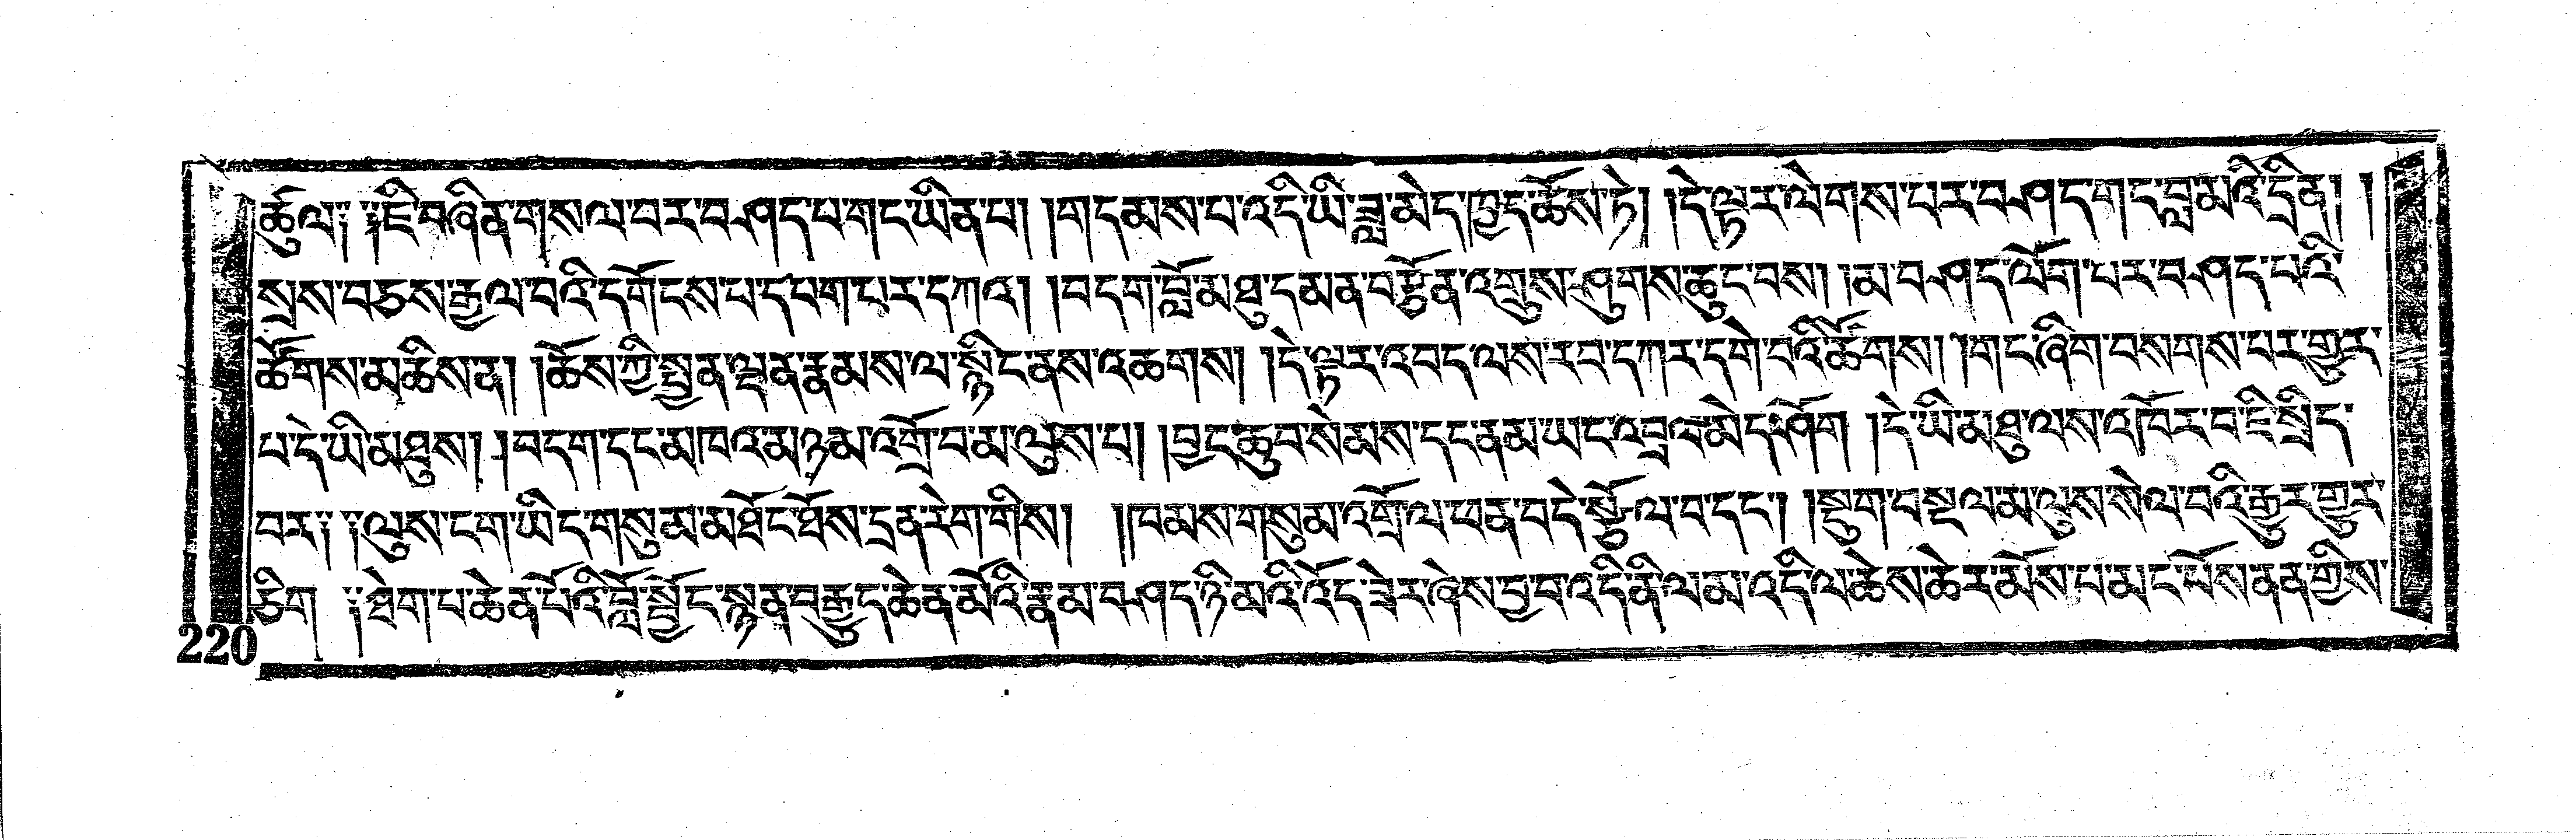ཚུལ༑ ༑ཇི་བཞིན་གསལ་བར་བཤད་པ་གང་ཡིན་པ། །གདམས་པ་འདི་ཡི་ཟླ་མེད་ཁྱད་ཆོས་ཏེ། །དེ་ལྟར་ལེགས་པར་བཤད་གང་བླ་མའི་དྲིན། །
སྲས་བཅས་རྒྱལ་བའི་དགོངས་པ་དཔག་པར་དཀའ། །བདག་བློ་མཐུ་དམན་བརྩོན་འགྲུས་ཤུགས་ཆུང་བས། །མ་བཤད་ལོག་པར་བཤད་པའི་
ཚོགས་མཆིས་ན། །ཆོས་ཀྱི་སྤྱན་ལྡན་རྣམས་ལ་སྙིང་ནས་འཆགས། །དེ་ལྟར་འབད་ལས་རབ་དཀར་དགེ་བའི་ཚོགས། །གང་ཞིག་བསགས་པར་གྱུར་
པ་དེ་ཡི་མཐུས། །བདག་དང་མཁའ་མཉམ་འགྲོ་བ་མ་ལུས་པ། །བྱང་ཆུབ་སེམས་དང་ནམ་ཡང་འབྲལ་མེད་ཤོག །དེ་ཡི་མཐུ་ལས་འཁོར་བ་ཇི་སྲིད་
བར༑ ༑ལུས་ངག་ཡིད་གསུམ་མཐོ་ཐོས་དྲན་རེག་གིས། །ཁམས་གསུམ་འགྲོ་ལ་ཕན་བདེ་སྩོལ་བ་དང་། །སྡུག་བསྔལ་མ་ལུས་སེལ་བའི་རྒྱུར་གྱུར་
ཅིག ༑ཐེག་པ་ཆེན་པོའི་བློ་སྦྱོང་སྙན་བརྒྱུད་ཆེན་མོའི་རྣམ་བཤད་ཉི་མའི་འོད་ཟེར་ཞེས་བྱ་བ་འདི་ནི་ལམ་འདི་ལ་ཆེས་ཆེར་མོས་པ་མང་པོས་ནན་གྱིས་